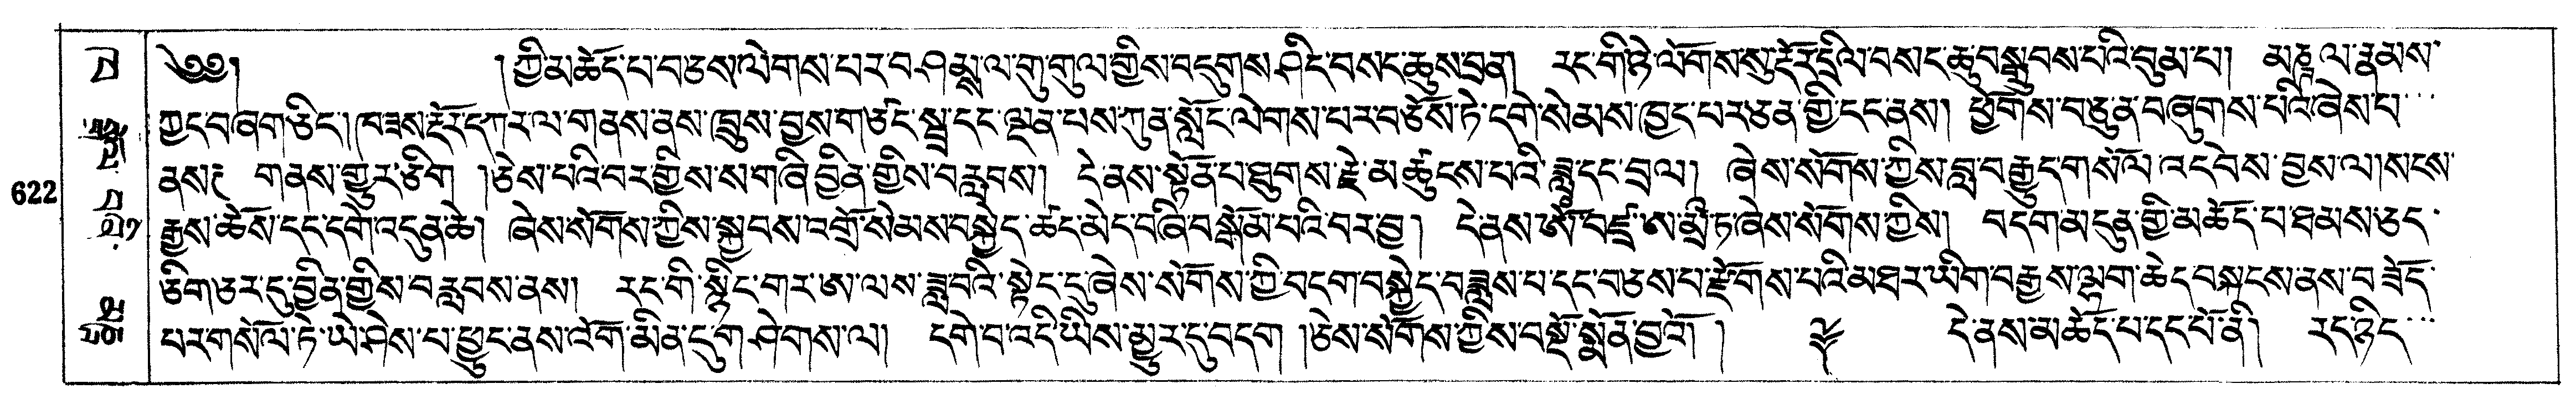༄༅། །ཀྱི་མཆོད་པ་བཅས་ལེགས་པར་བཤམས་ལ་གུ་གུལ་གྱིས་བདུགས་ཤིང་བསང་ཆུས་བྲན། རང་གི་ཉེ་ལོགས་སུ་རྡོར་དྲིལ་བསང་ཆུ་བསྒྲུབས་པའི་བུམ་པ། མཎྜལ་རྣམས་
ཀྱང་བཞག་ཅིང་། ཁ་ཟས་རྡོར་དཀར་ལ་གནས་ནས་ཁྲུས་བྱས་གཙང་སྦྲ་དང་ལྡན་པས་ཀུན་སློང་ལེགས་པར་བཅོས་ཏེ་དགེ་སེམས་ཁྱད་པར་ཅན་གྱི་ངང་ནས། ཕྱོགས་བཅུ་ན་བཞུགས་པའི་ཞེས་པ་
ནས༑ གནས་གྱུར་ཅིག །ཅེས་པའི་བར་གྱིས་ས་གཞི་བྱིན་གྱིས་བརླབས། དེ་ནས་སྟོན་པ་ཐུགས་རྗེ་མཚུངས་པའི་ཟླ་དང་བྲལ། ཞེས་སོགས་ཀྱིས་བླ་བརྒྱུད་གསོལ་འདེབས་བྱས་ལ། སངས་
རྒྱས་ཆོས་དང་དགེ་འདུན་ཆེ། ཞེས་སོགས་ཀྱིས་སྐྱབས་འགྲོ་སེམས་བསྐྱེད་ཚད་མེད་བཞི་བསྒོམ་པའི་བར་བྱ། དེ་ནས་ཨོཾ་བཛྲ་ཨ་མྲྀ་ཏ་ཞེས་སོགས་ཀྱིས། བདག་མདུན་གྱི་མཆོད་པ་ཐམས་ཅད་
ཅིག་ཅར་དུ་བྱིན་གྱིས་བརླབས་ནས། རང་གི་སྙིང་གར་ཨ་ལས་ཟླ་བའི་སྟེང་དུ་ཞེས་སོགས་ཀྱི་བདག་བསྐྱེད་བཟླས་པ་དང་བཅས་པ་རྫོགས་པའི་མཐར་ཡིག་བརྒྱས་ལྷག་ཆེད་བསྐངས་ནས་བཟོད་
པར་གསོལ་ཏེ་ཡེ་ཤེས་པ་ཕྱུང་ནས་འོག་མིན་དུ་གཤེགས་ལ། དགེ་བ་འདི་ཡིས་མྱུར་དུ་བདག །ཅེས་སོགས་ཀྱིས་བསྔོ་སྨོན་བྱའོ། ། ༈ དེ་ནས་མཆོད་པ་དང་པོ་ནི། རང་ཉིད་